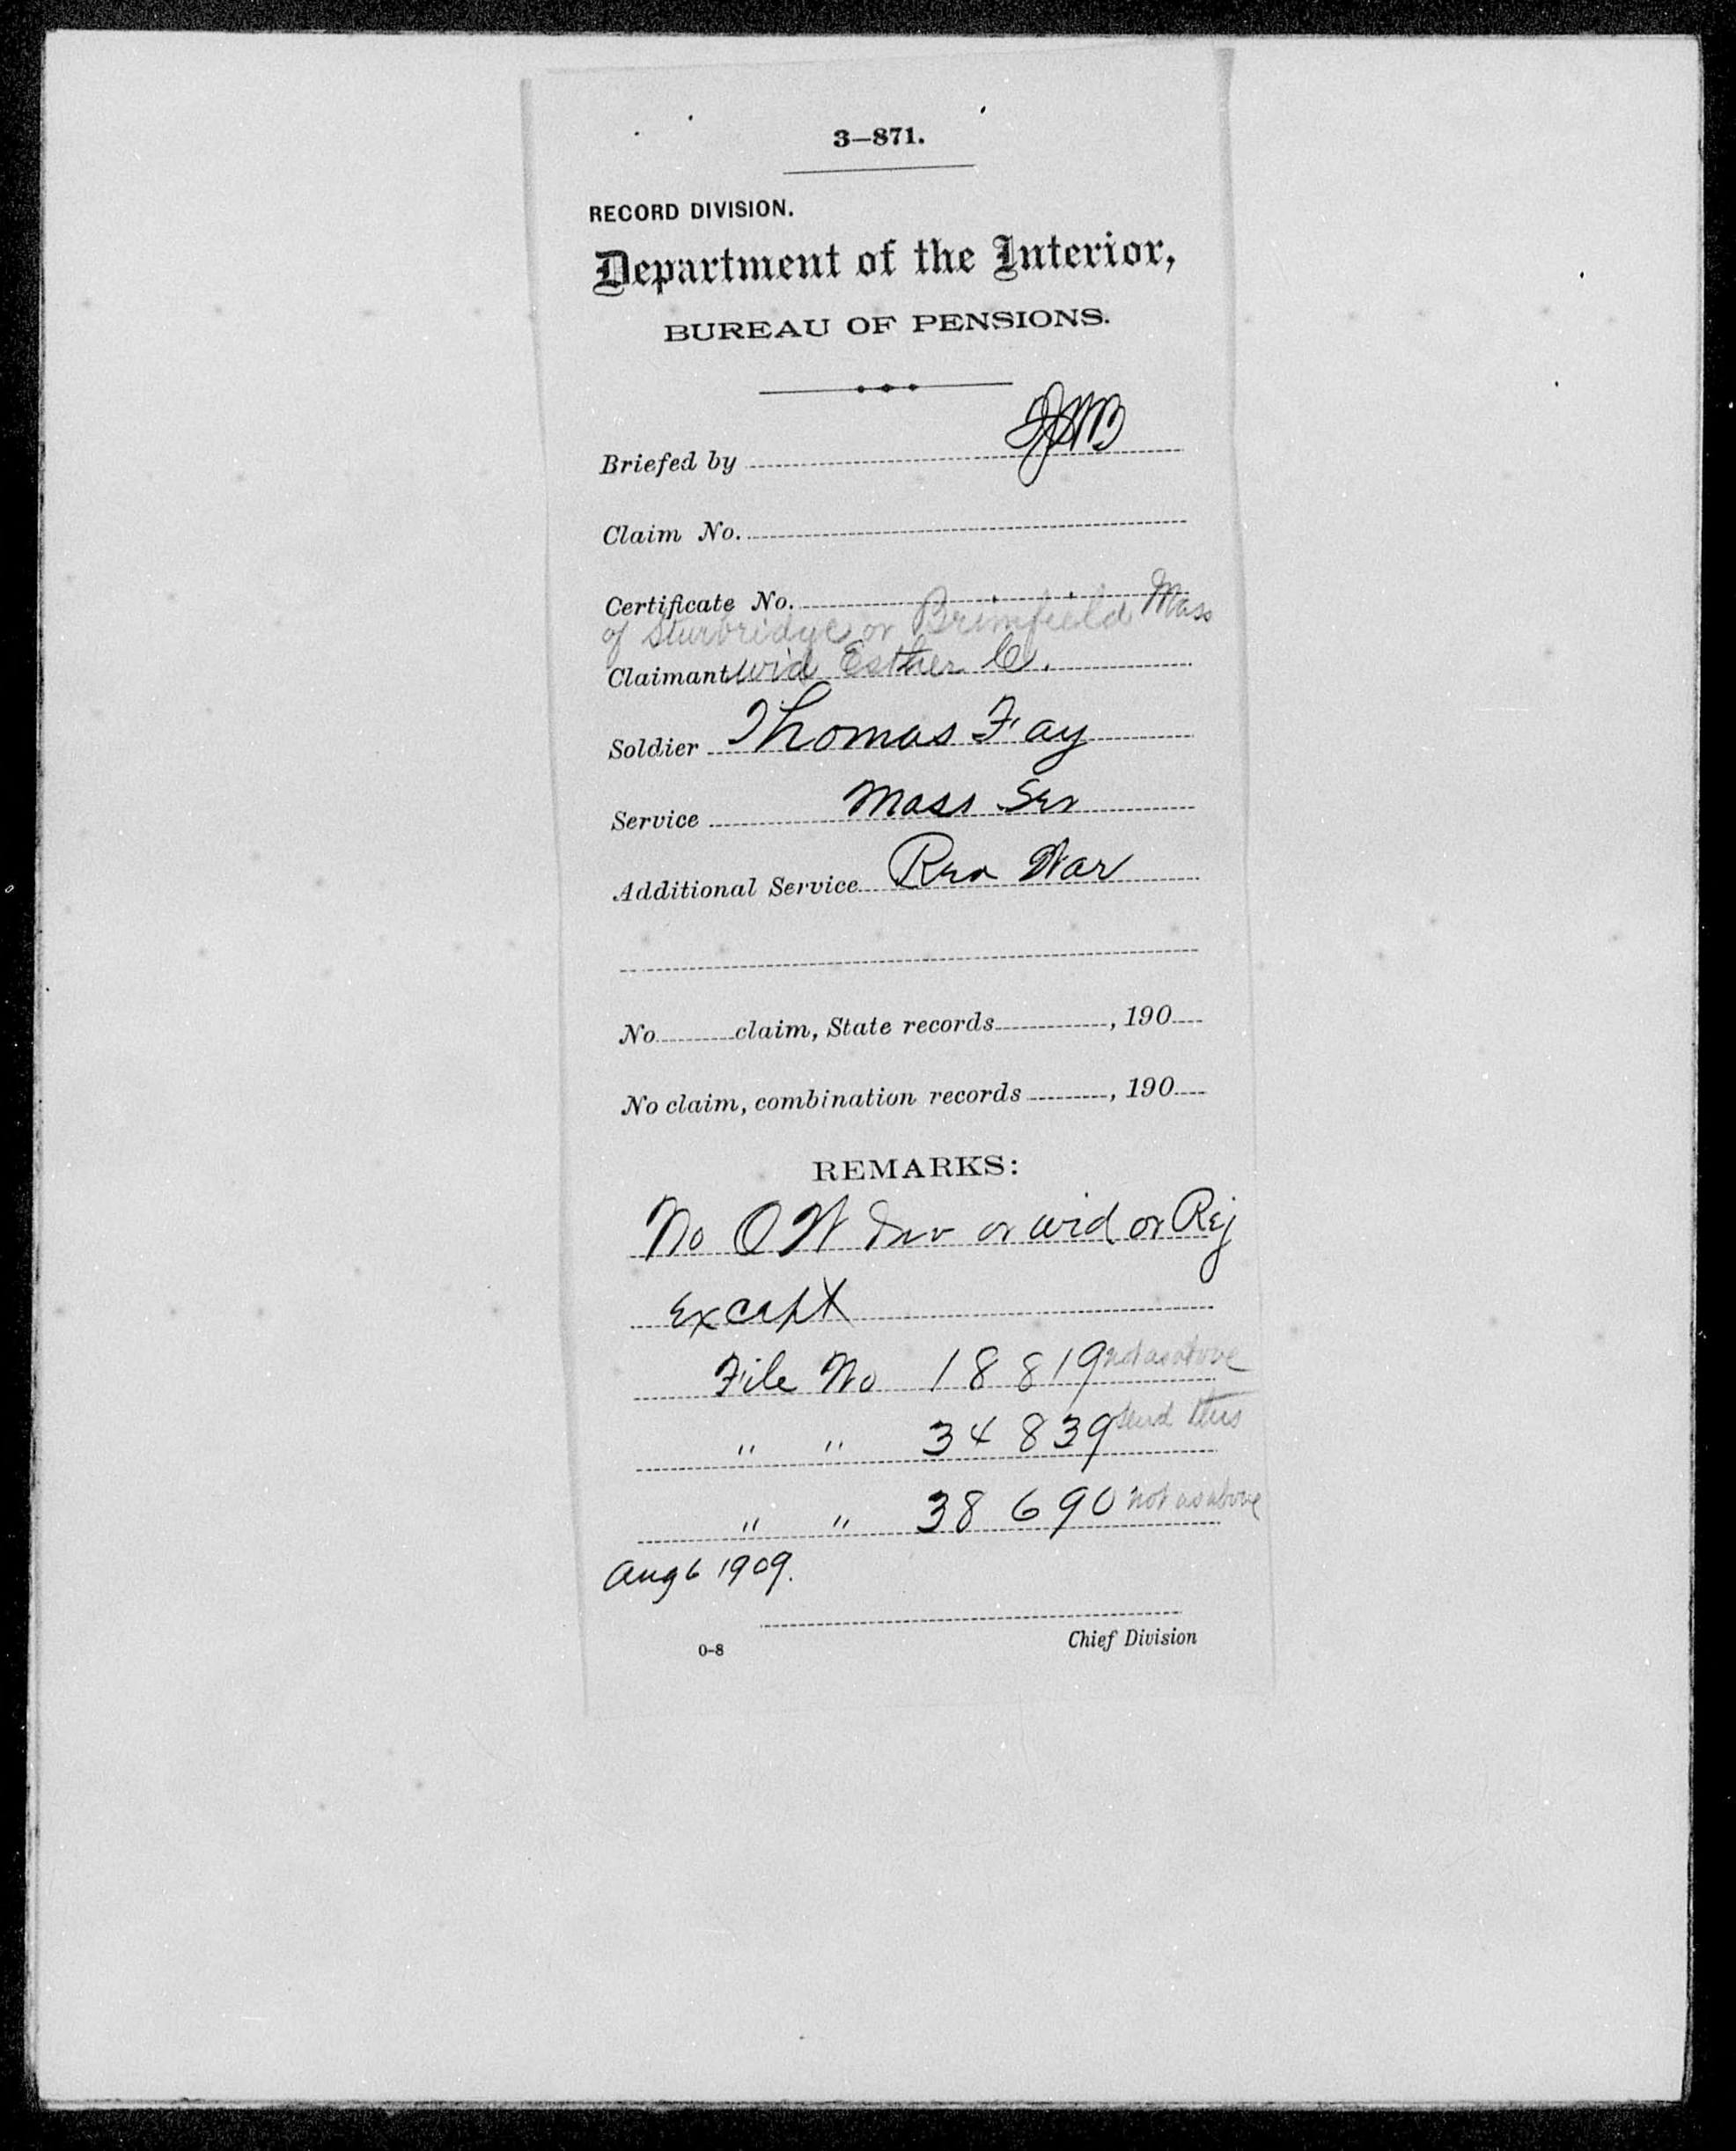3 - 871.
RECORD DIVISION.
Department of the Interior,
BUREAU OF PENSIONS.

Briefed by (FJWB?)
Claim No.

Certificate No 
of Sturbridge or Brimfield Mass

Claimant  Wid Esther C.
Soldier Thomas Fay
Service- Mass Ser
Additinal Service -  Rev War

No. claim, State records , 190
No claim, combination records , 190

REMARK
File No 18819  not as above
File NO 34839 send this
FIle No 38690 not as above
Aug 6 1909

O - 8
Chief Division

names: Thomas Fay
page: 14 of 31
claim: survivor's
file: S. 34,839, Thomas Fay, Mass.